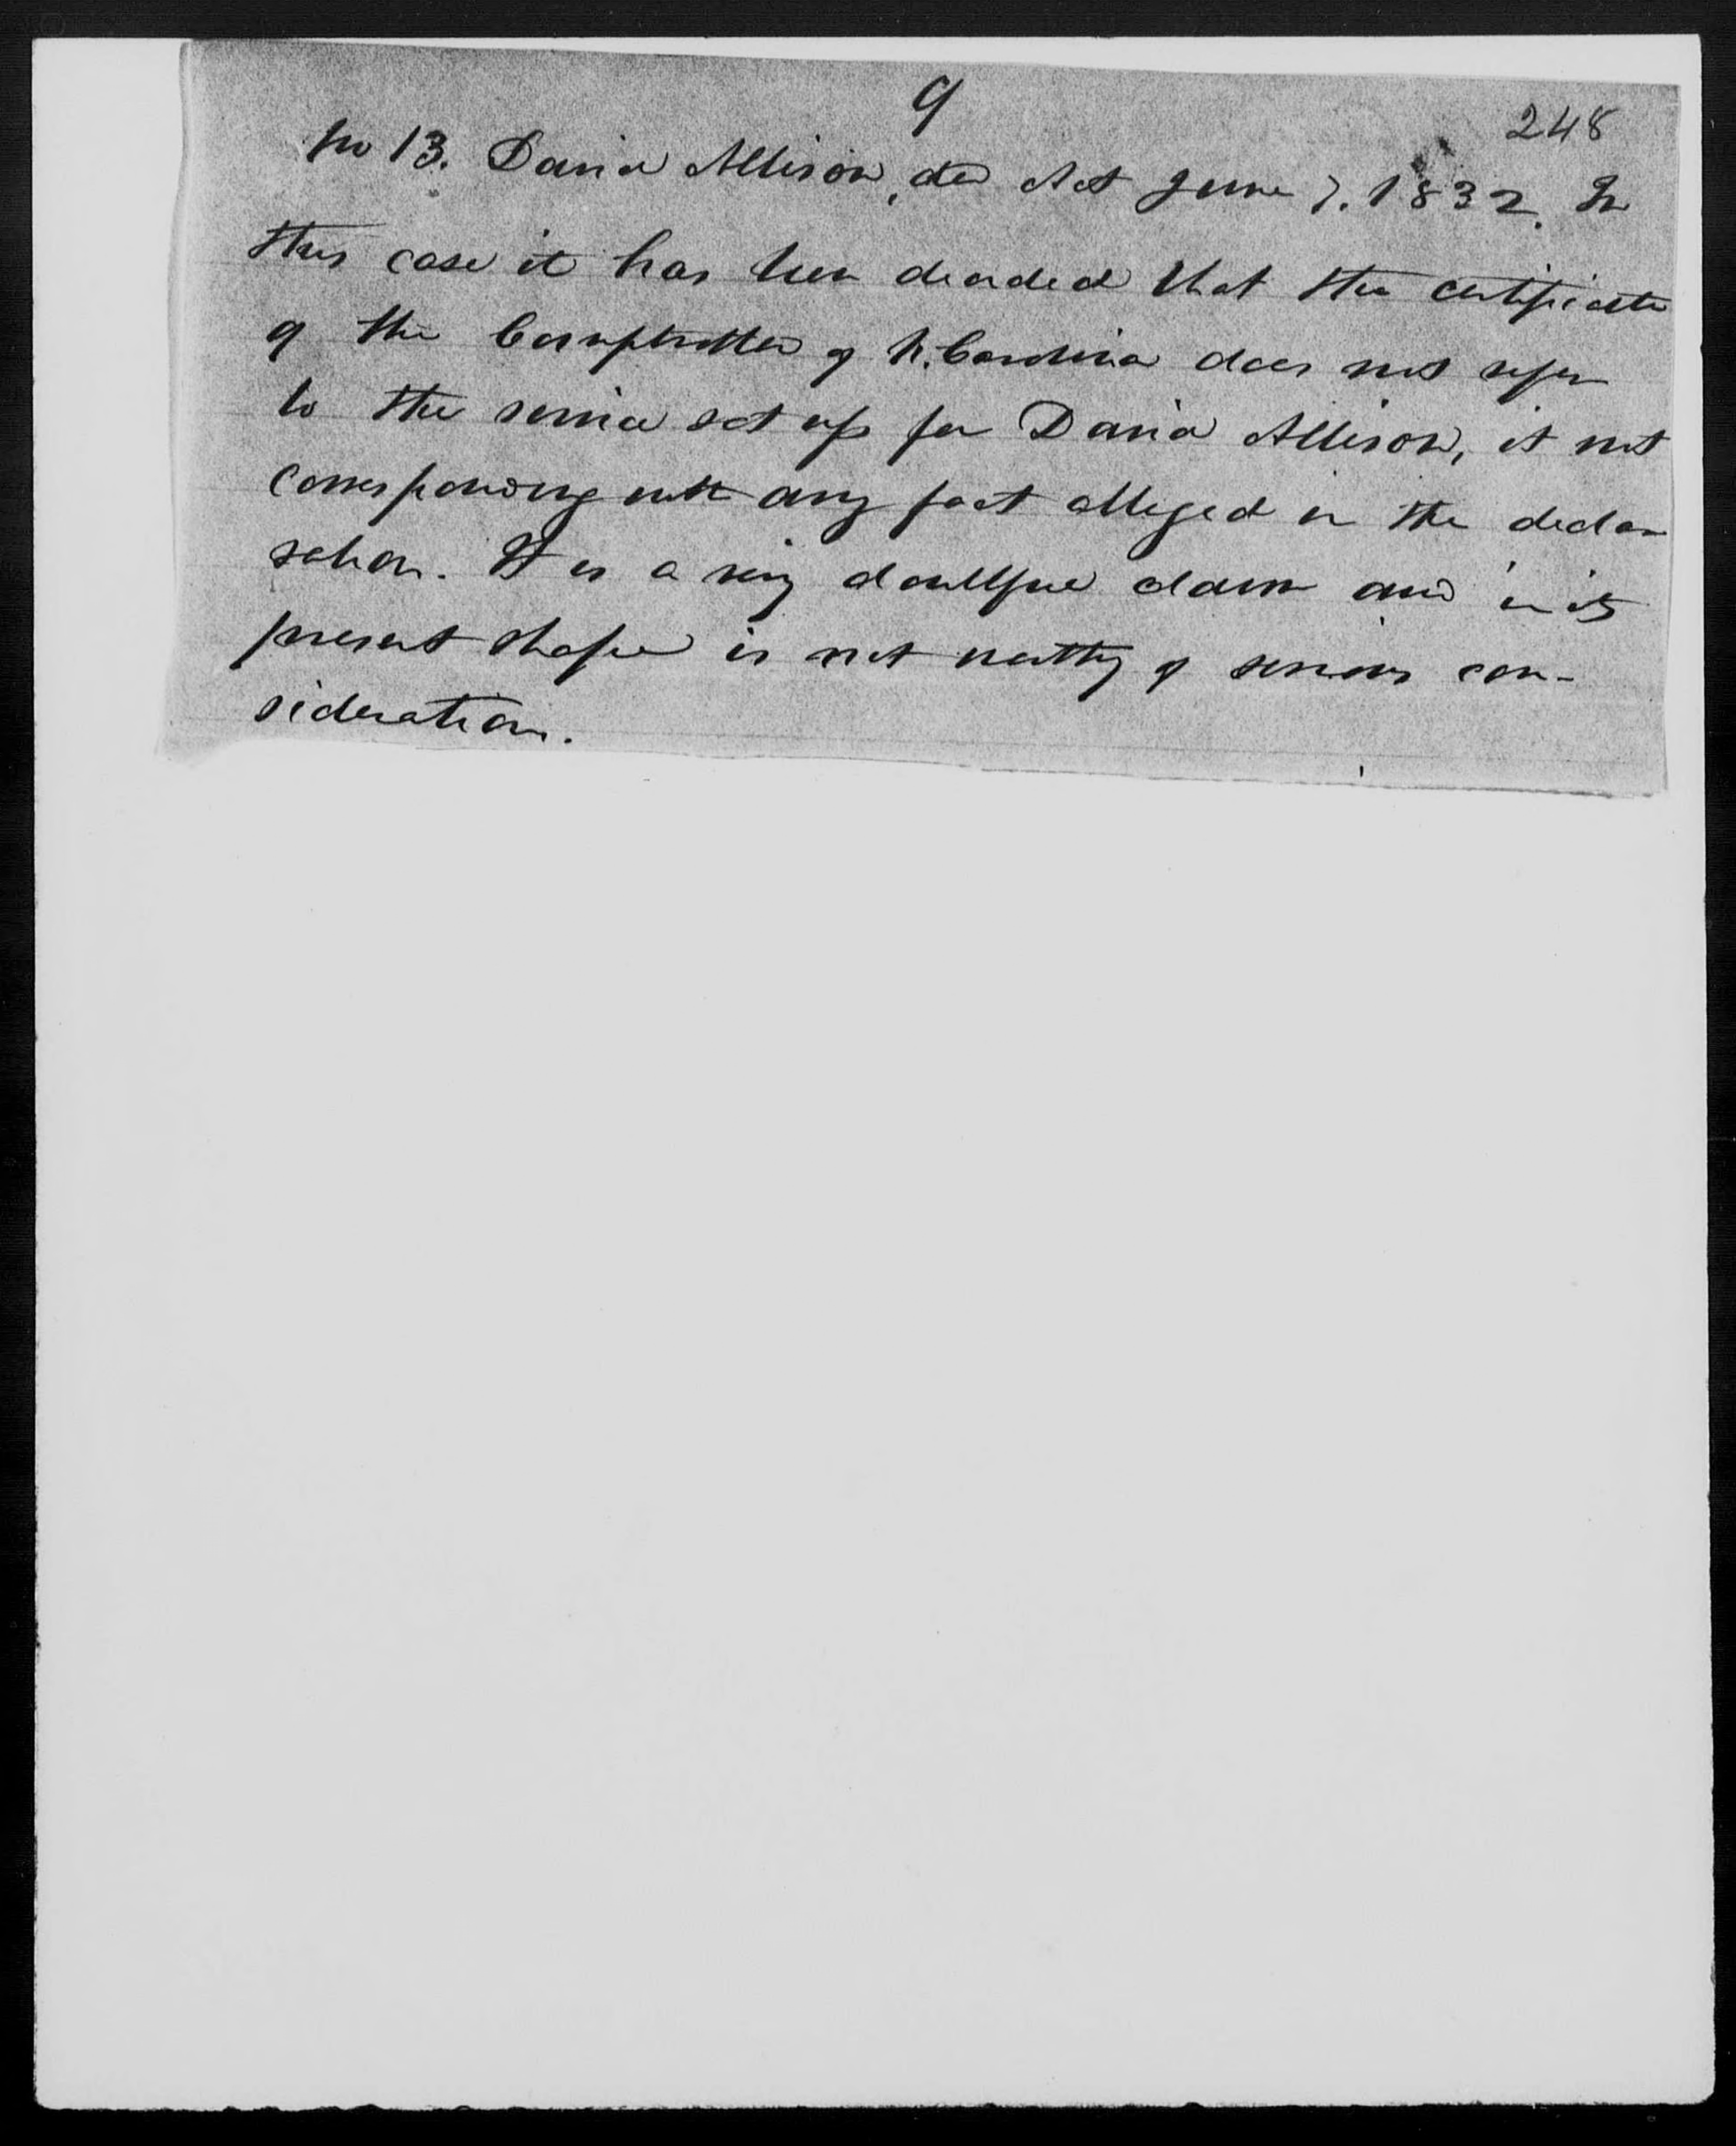9                                  248

No, 13  David Allison, [illegible] Act June 7, 1832.  In this case it has been decided that this certificate of the Comptroller of North Carolina does and refer to the service act for David Allison, it not [illegible] with any fact alleged in the declaration. It is a very doubtful claim and in it's present shape is not worthy of consideration.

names: David Allison, David Allison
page: 17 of 33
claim: rejected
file: R. 155, David Allison, N.C.